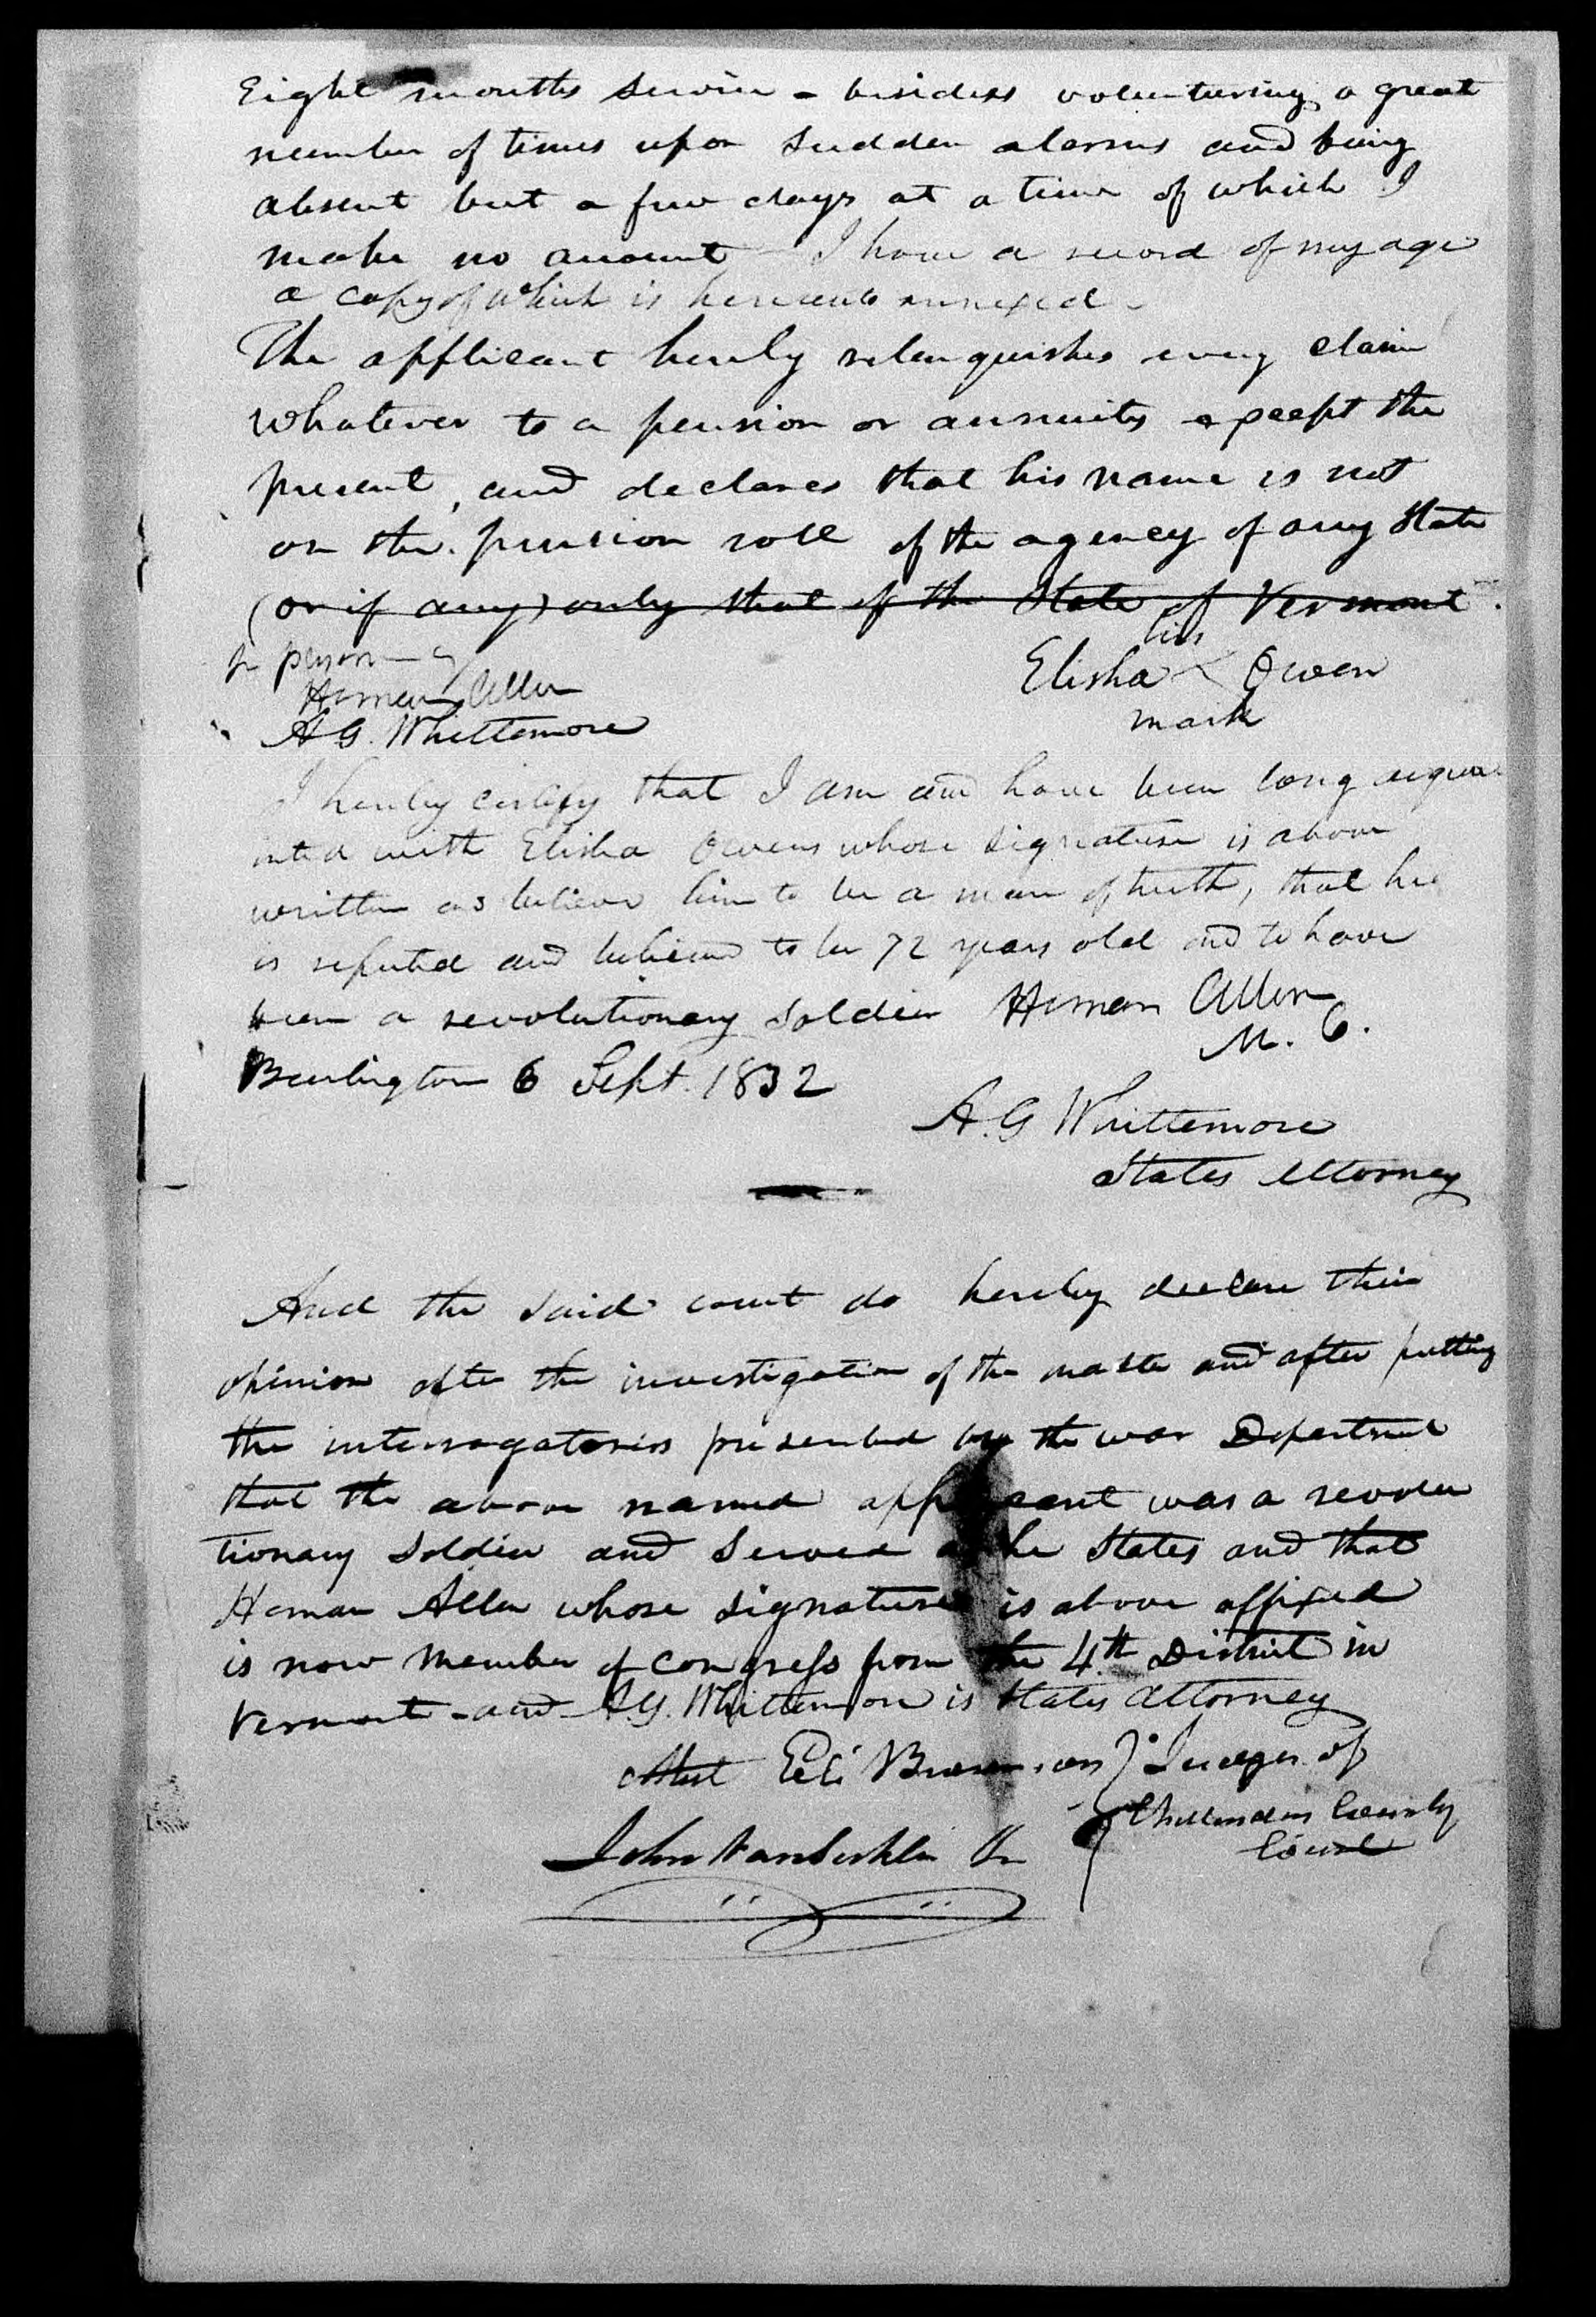eight months service besides volunteering a great number of times upon sudden alarms and being absent but a few days at a time of which I make no account. I have a word of my age a copy of which is  hereunto annexed
The applicant hereby relinquishes every claim whatever to a pension or annuity except the present, and declares that his name is not on the pension roll of the agency of any state (or if any) that of the state of Vermont.  (last phrase crossed out)
His Mark X Elisha Owen
Heman Allen, A.G. Whittmore
I hereby certify that I am and have been long acquainted with Elisha Owens whose signature is above written an believe him to be a man of truth, that he is reputed and believed to be 72 years old and to have been a revolutionary soldier   Heman Allen M.C.
Burlington  6 Sept 1832    A.G. Whittemore, States Attorney

And the said court do hereby declare this opinion after the investigation of the matter and after putting the investigations  prescribed by the War Department that the above named applicant was a revolutionary soldier and served the United States and that Heman Allen whose signature above affixed is now a member of Congress from the 4th district in Vermont and A.G. Whittemore is States Attorney
Attest Eli Brownson and John Vanserkle, Judges of the Chittenden County Court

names: Elisha Owen; John Vanserkle; Eli Brownson; A G Whittemore; Heman Allen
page: 8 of 23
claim: survivor's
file: S 14072, for Elisha Owen, Vermont